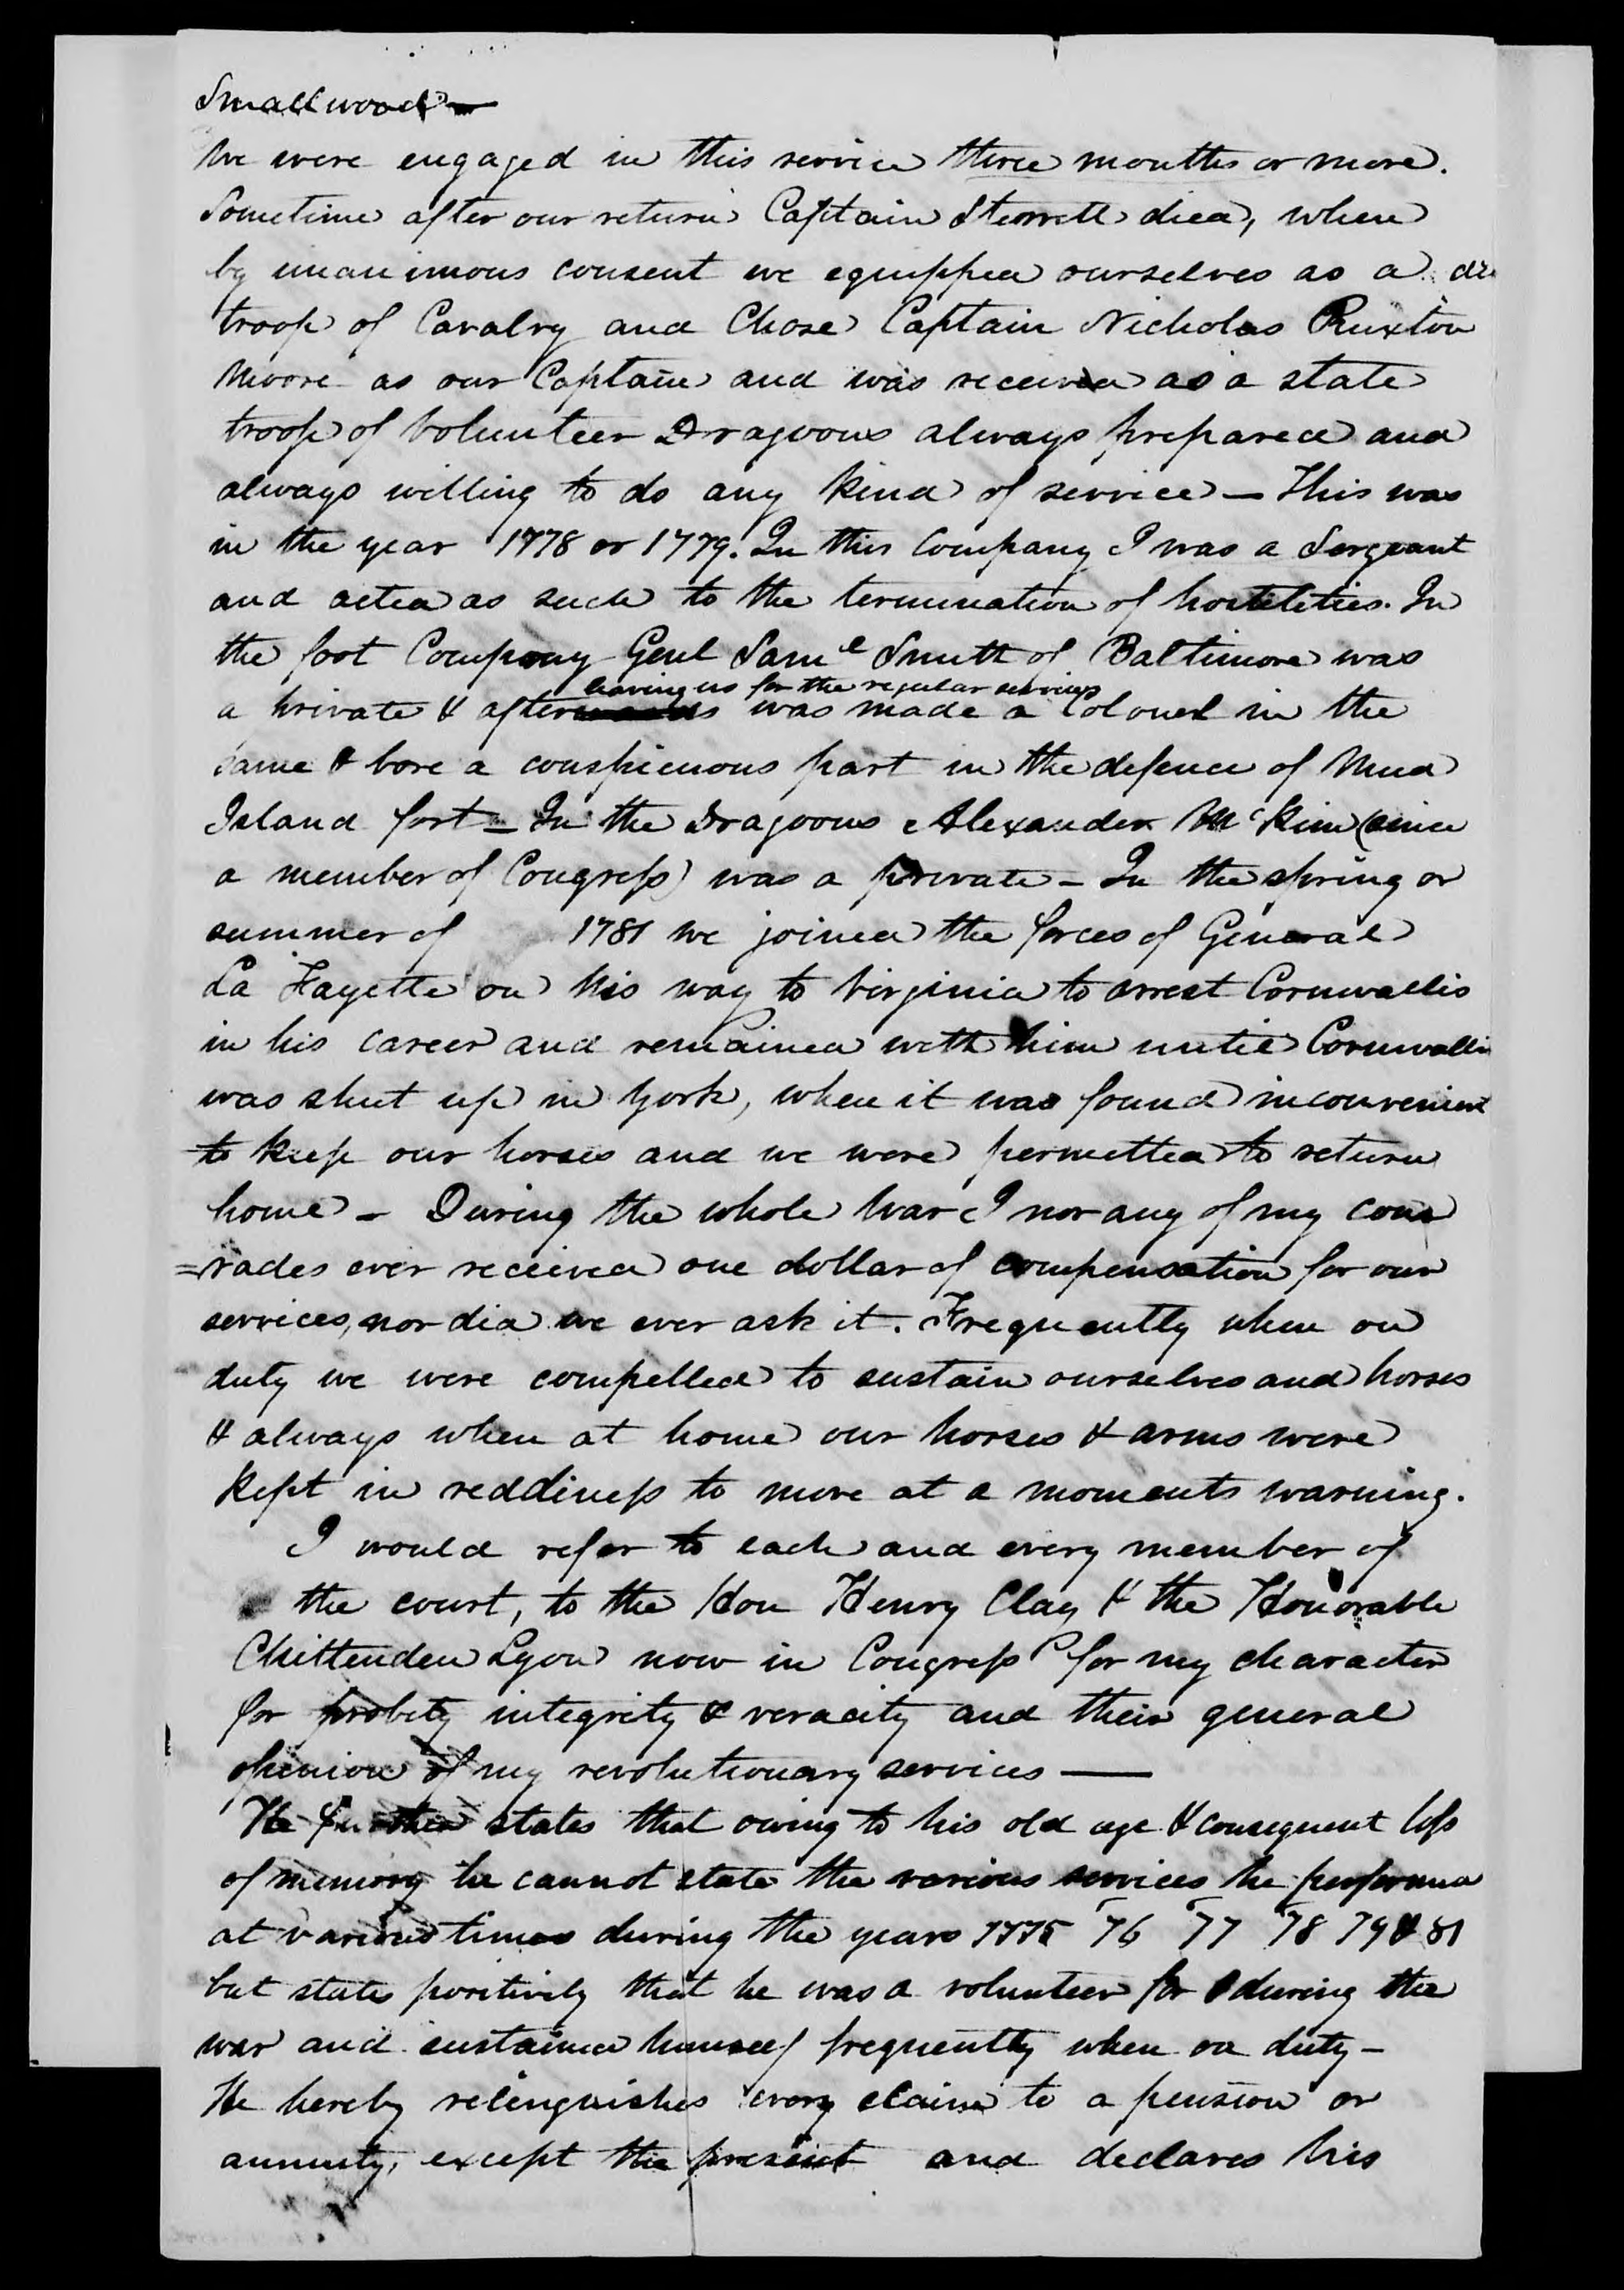Smallwood
we were engaged in this service three months or more. Sometime after our return Captain Sterrett died, when by unanimous consent we equipped ourselves as a troop of Cavalry and chose Captain Nicholas Ruxton Moore as our Captain and was received as a state
troop of volunteer Dragoons always prepared and always willing to do any kind of service. This was in the year 1778 or 1779. In this company I was a Sergeant
and acted as such to the termination of hostilities. In the foot company Genl Samuel Smith of Baltimore was a
private & after ^ having us for the regular service was made Colonel in the same
& bore a conspicuous part in the defense of Mud Island fort - in the Dragoons Alexander McKinney (once a member of Congress) was a private. In the spring or summer of
1781 we joined the forces of General
La Fayette on his way to Virginia to arrest Cornwallis in his career and remained with him until Cornwallis was shut up in York, where it was found inconvenient to keep our horses and we were permitted to return
home. During the whole war I nor any of my comrades ever received one dollar of compensation for our services, nor did we ever ask it. Frequently where on duty we were compelled to sustain ourselves and horses
& always when at home our horses & arms were kept in reddiness to more at a moments warning.
I would refer to each and every member of
the court, to the Hon Henry Clay & the Honorable Chittenden Lyon now in congress for my character for probity integrity & veracity and their general
opinion of my revolutionary services-
He further states that owing to his old age & consequent loss of memory he cannot state the various services the purpose
at various times during the year 1775, '76 '77 '78 '79 & 81 but states positively that he was a volunteer for & during the war and sustained himself frequently when on duty-
He hereby relinquishes every claim to a pension or annuity, except the present and declares his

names: Saml Smith; [BLANK] Sterrett; Henry Clay; [BLANK] La Fayette; Nicholas Ruxton Moore; [BLANK] Cornwallis; Chittenden Lyon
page: 8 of 45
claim: survivor's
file: S. 31294, for Matthew Patton, Maryland